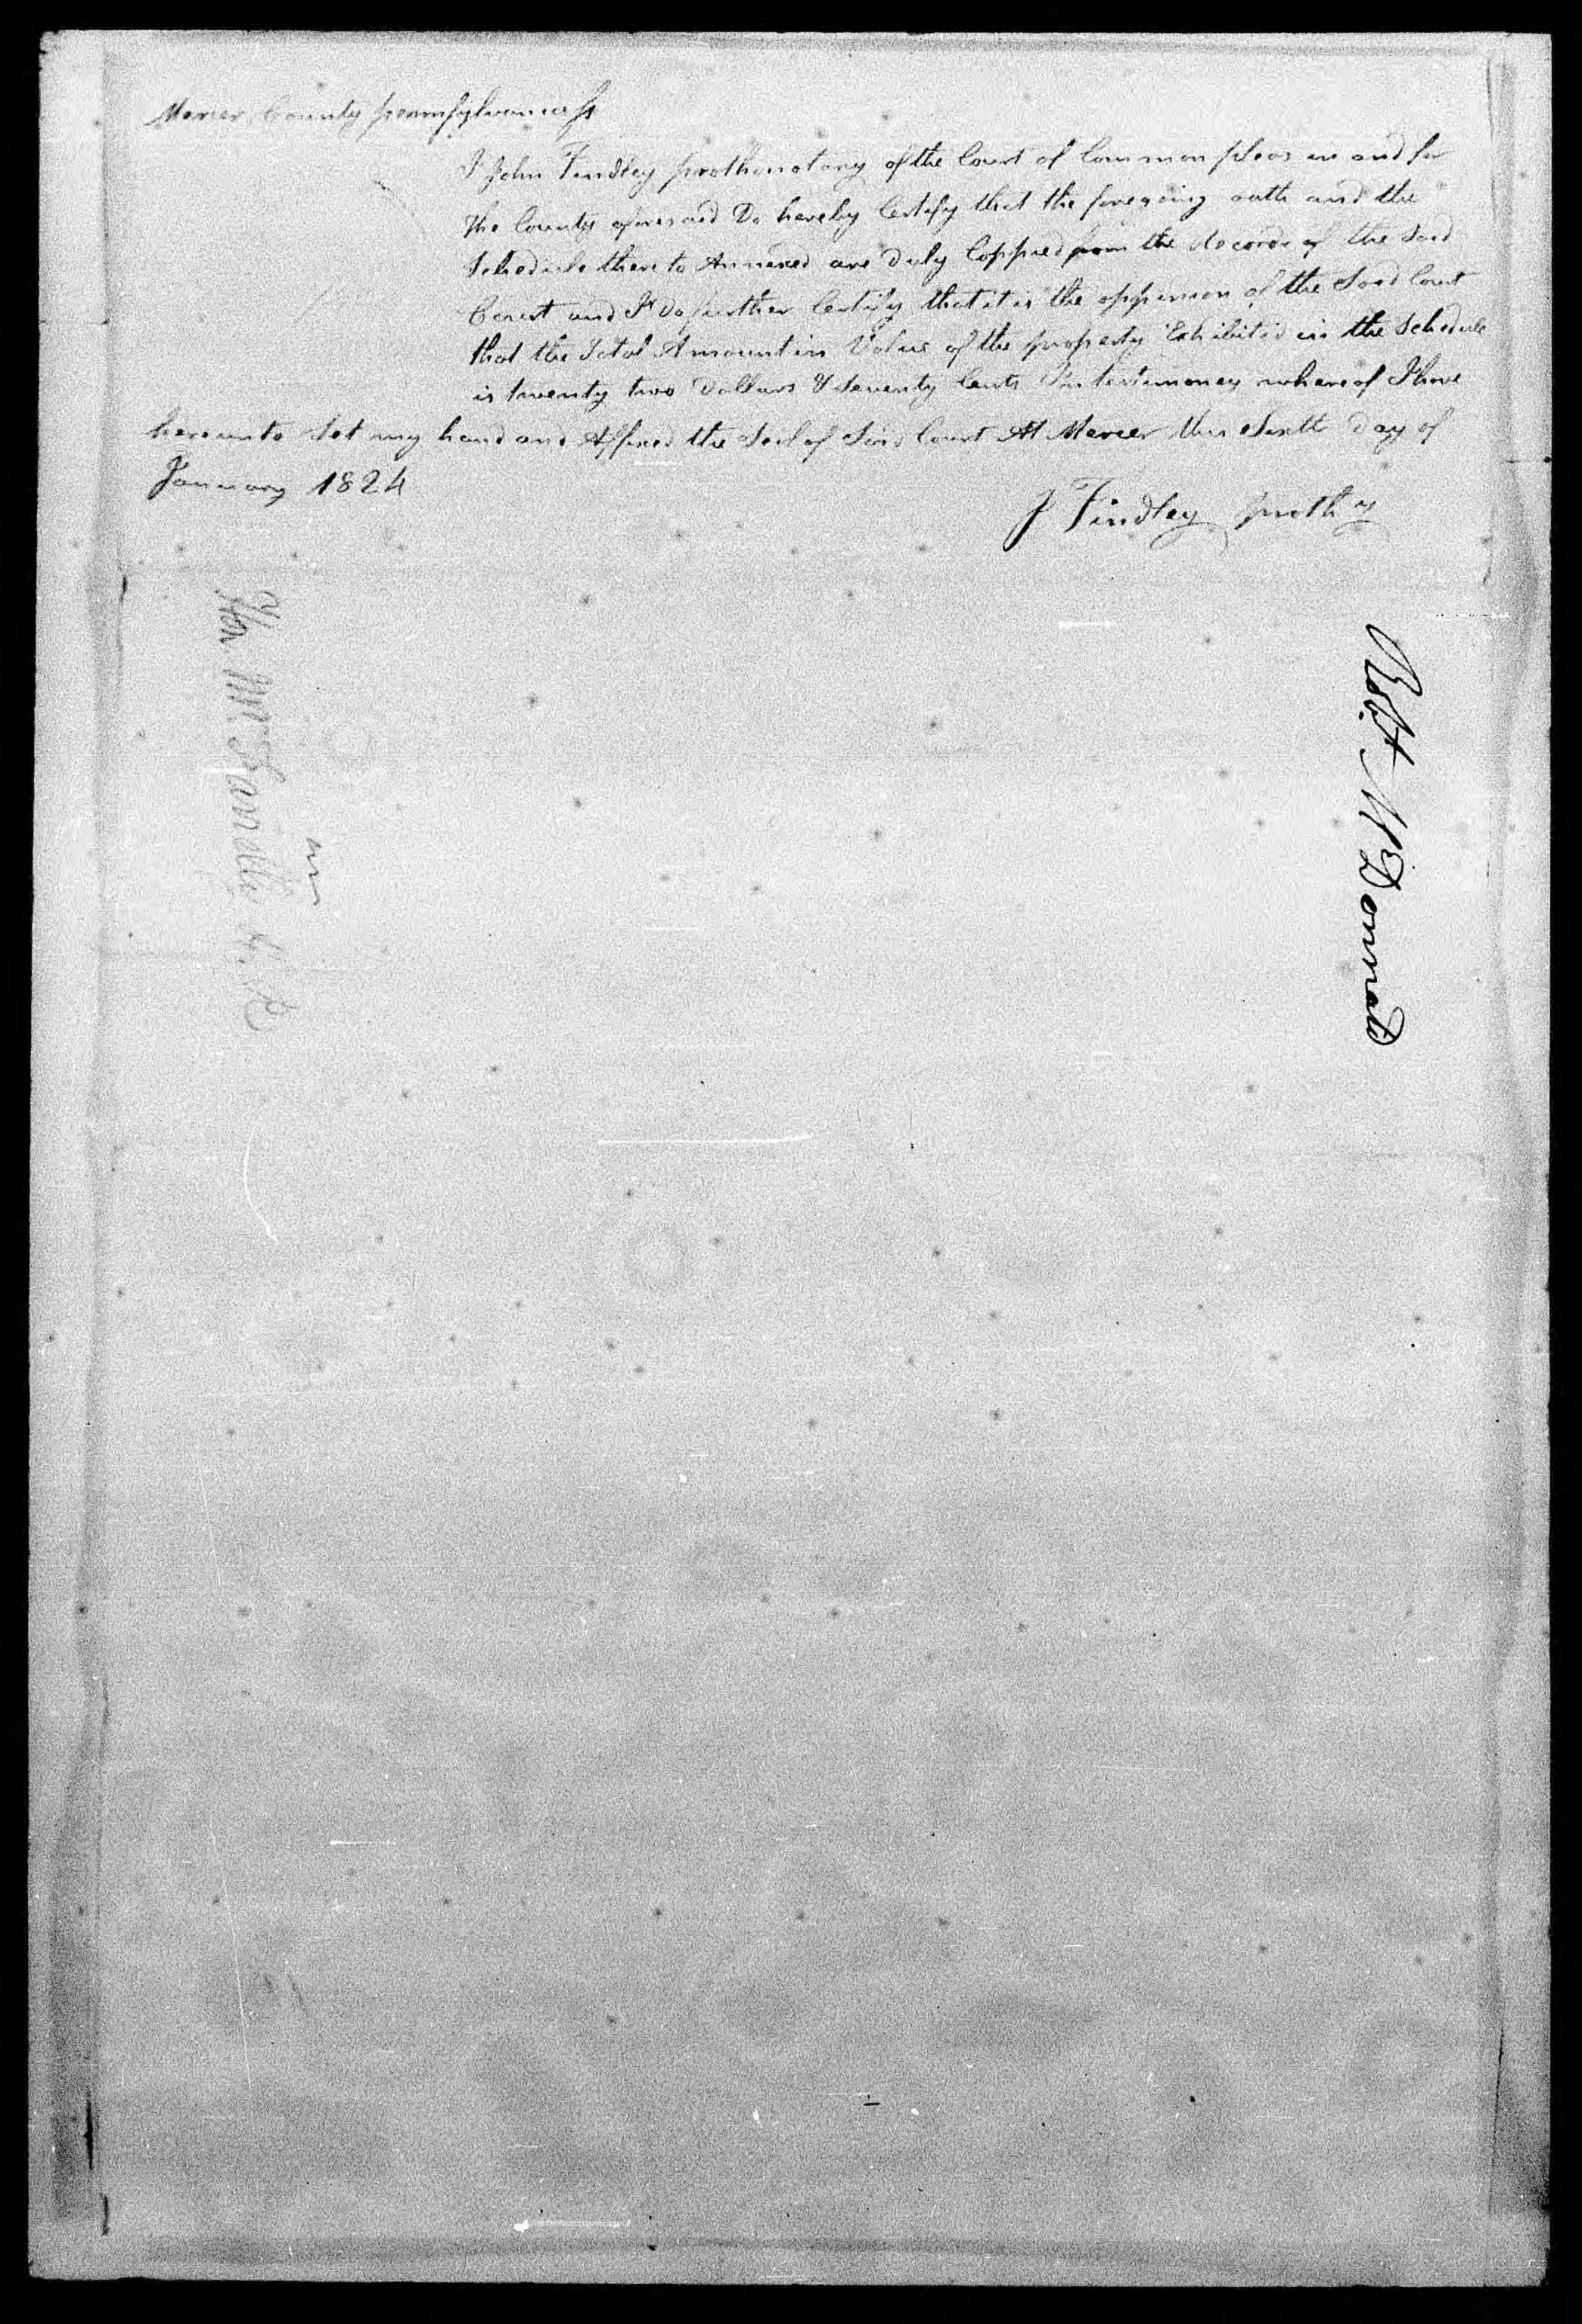Mercer County Pennsylvania
I John Findley prothonotary of the Court of Common Pleas in and for the County aforesaid do hereby certify that the foregoing oath and the Schedule thereto annexed and duly copied are from the records of the said Court and I do further certify that it is the opinion of the said Court that the total amount in value of the property exhibited in the Schedule is twenty two Dollars and Seventy Cents. In testimony whereof I have sent my hand and affixed the Seal of said Court at Mercer this Sixth day of January 1825 J Findley Prothy 
Robert M McDonald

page: 14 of 59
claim: widow's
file: W 3703, for Robert Mc Donald, Pennsylvania